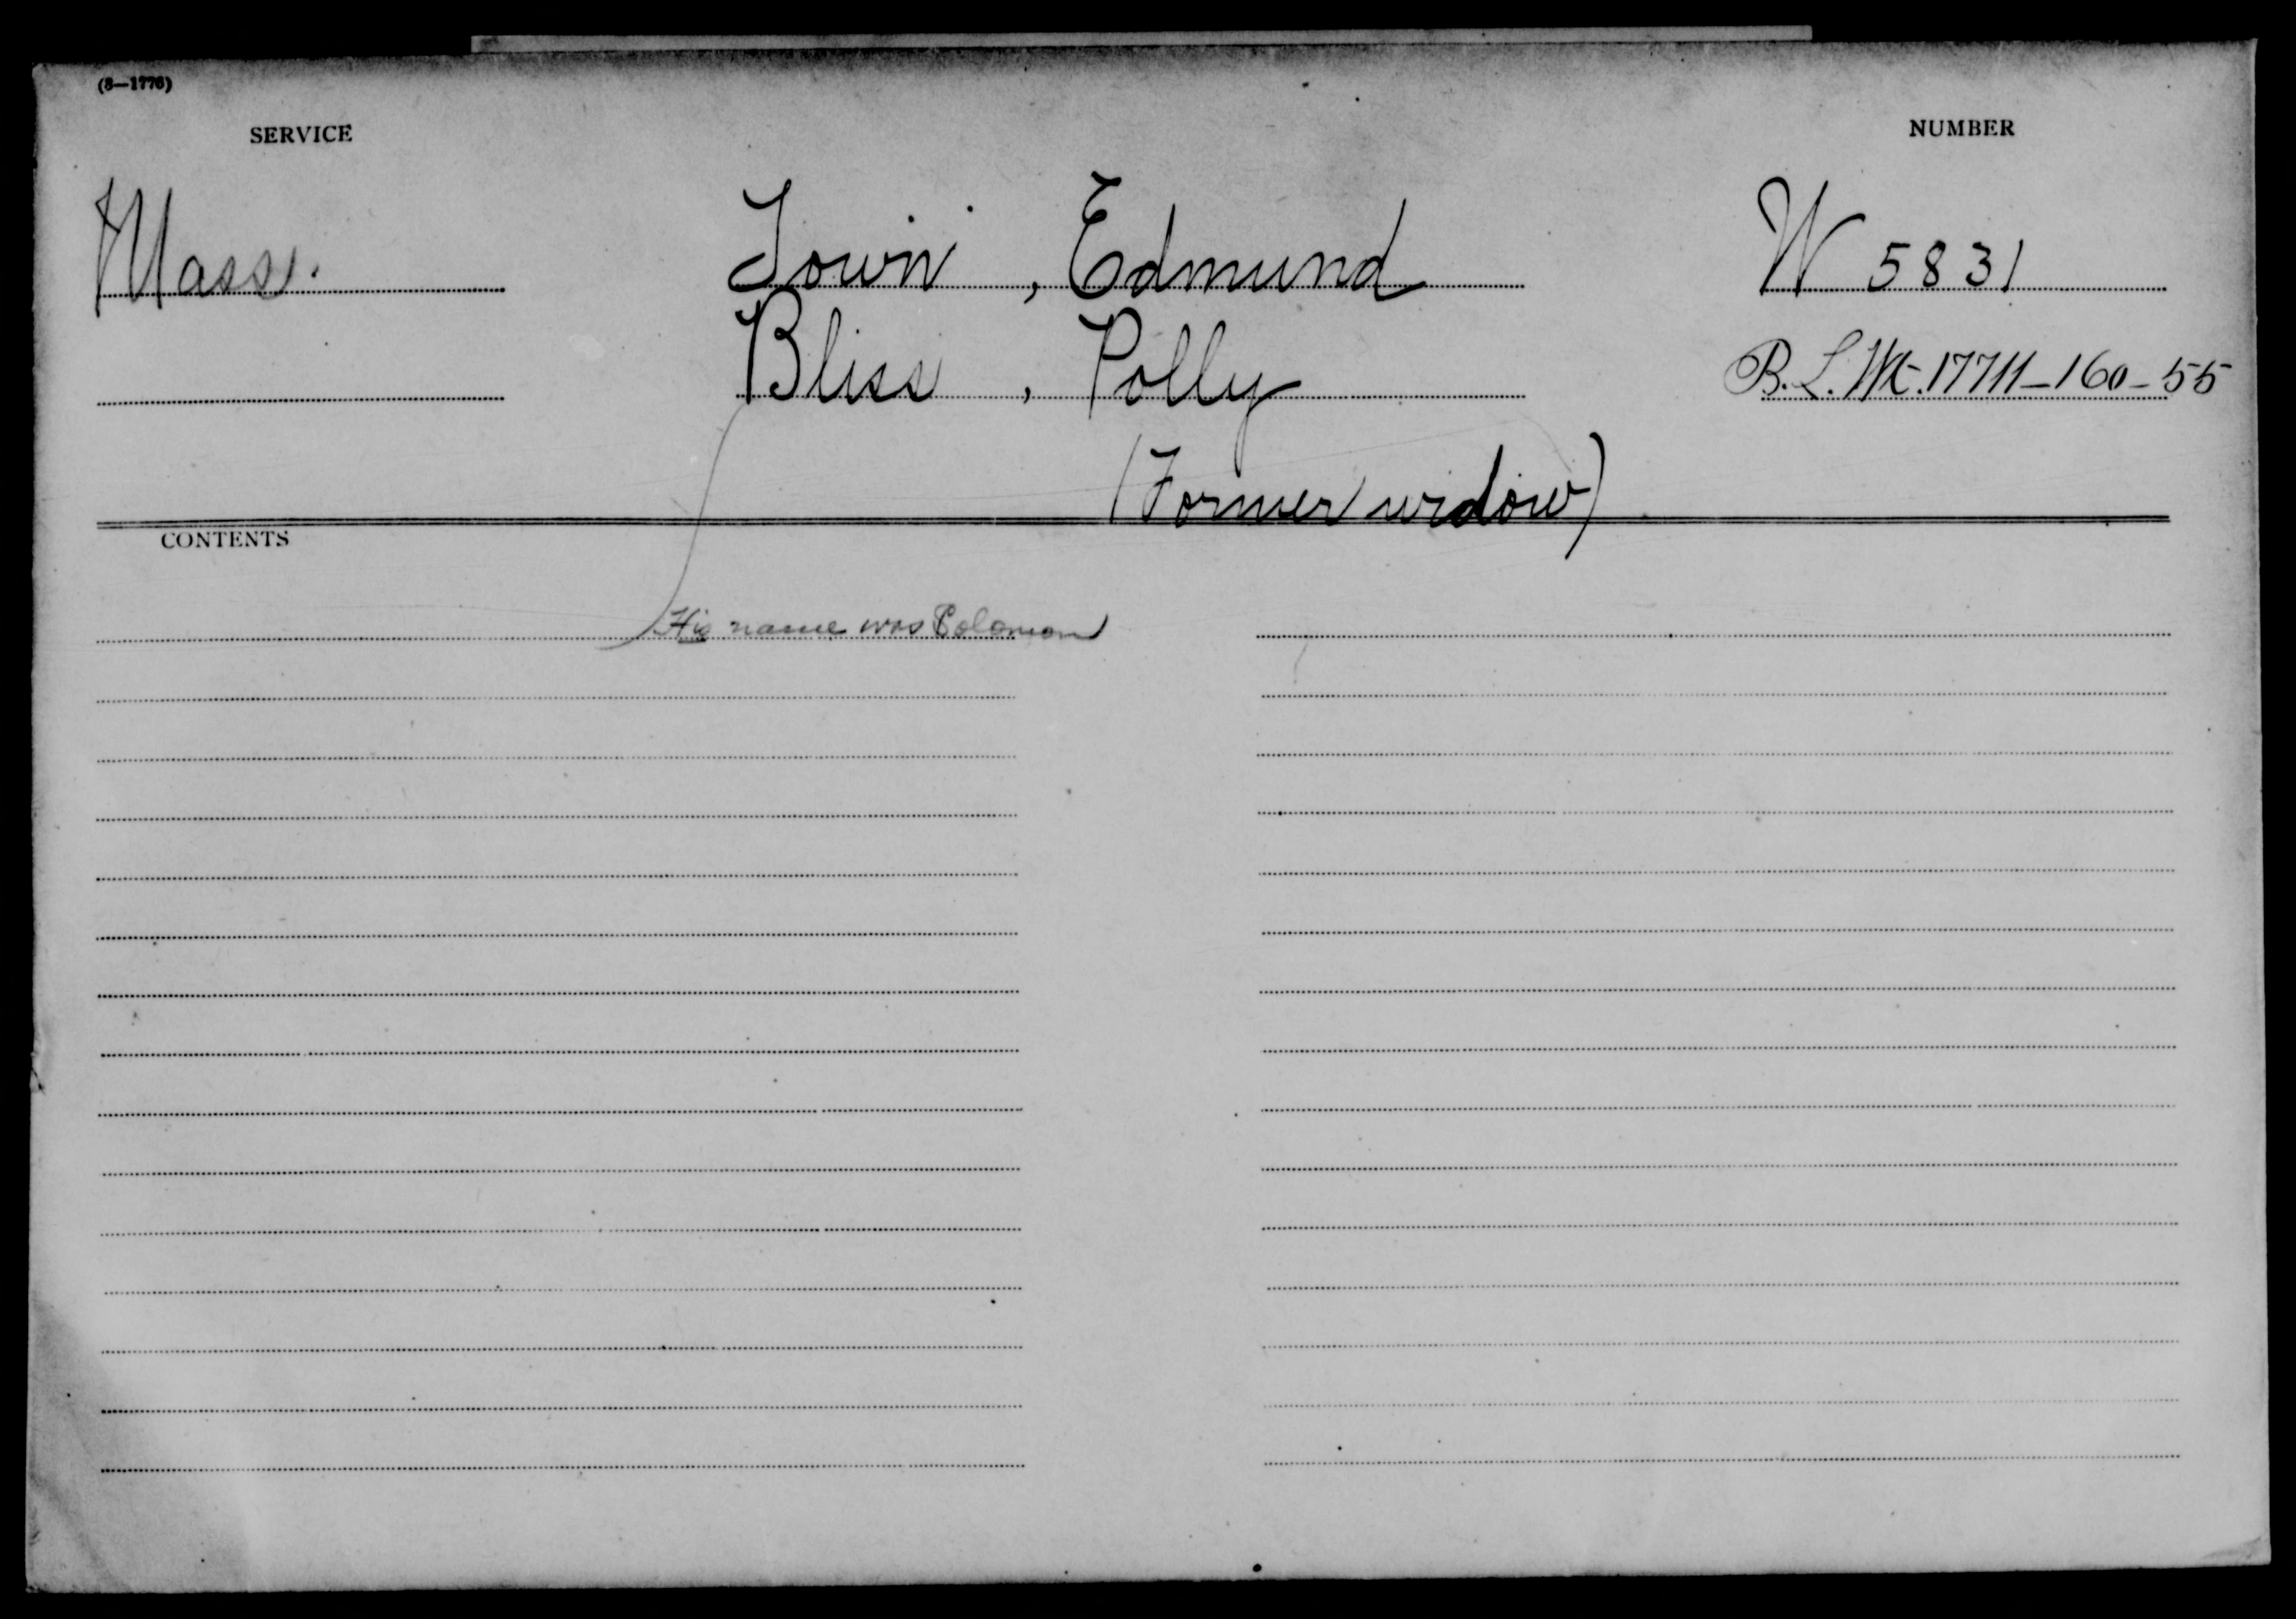Mass.
Town, Edmund
Bliss, Polly (former widow)  W5831
B. L. W. 17711-160-55

ref to Bliss "his name was Solomon"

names: Solomon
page: 1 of 64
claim: widow's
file: W. 5831, Edmund Town, Mass.